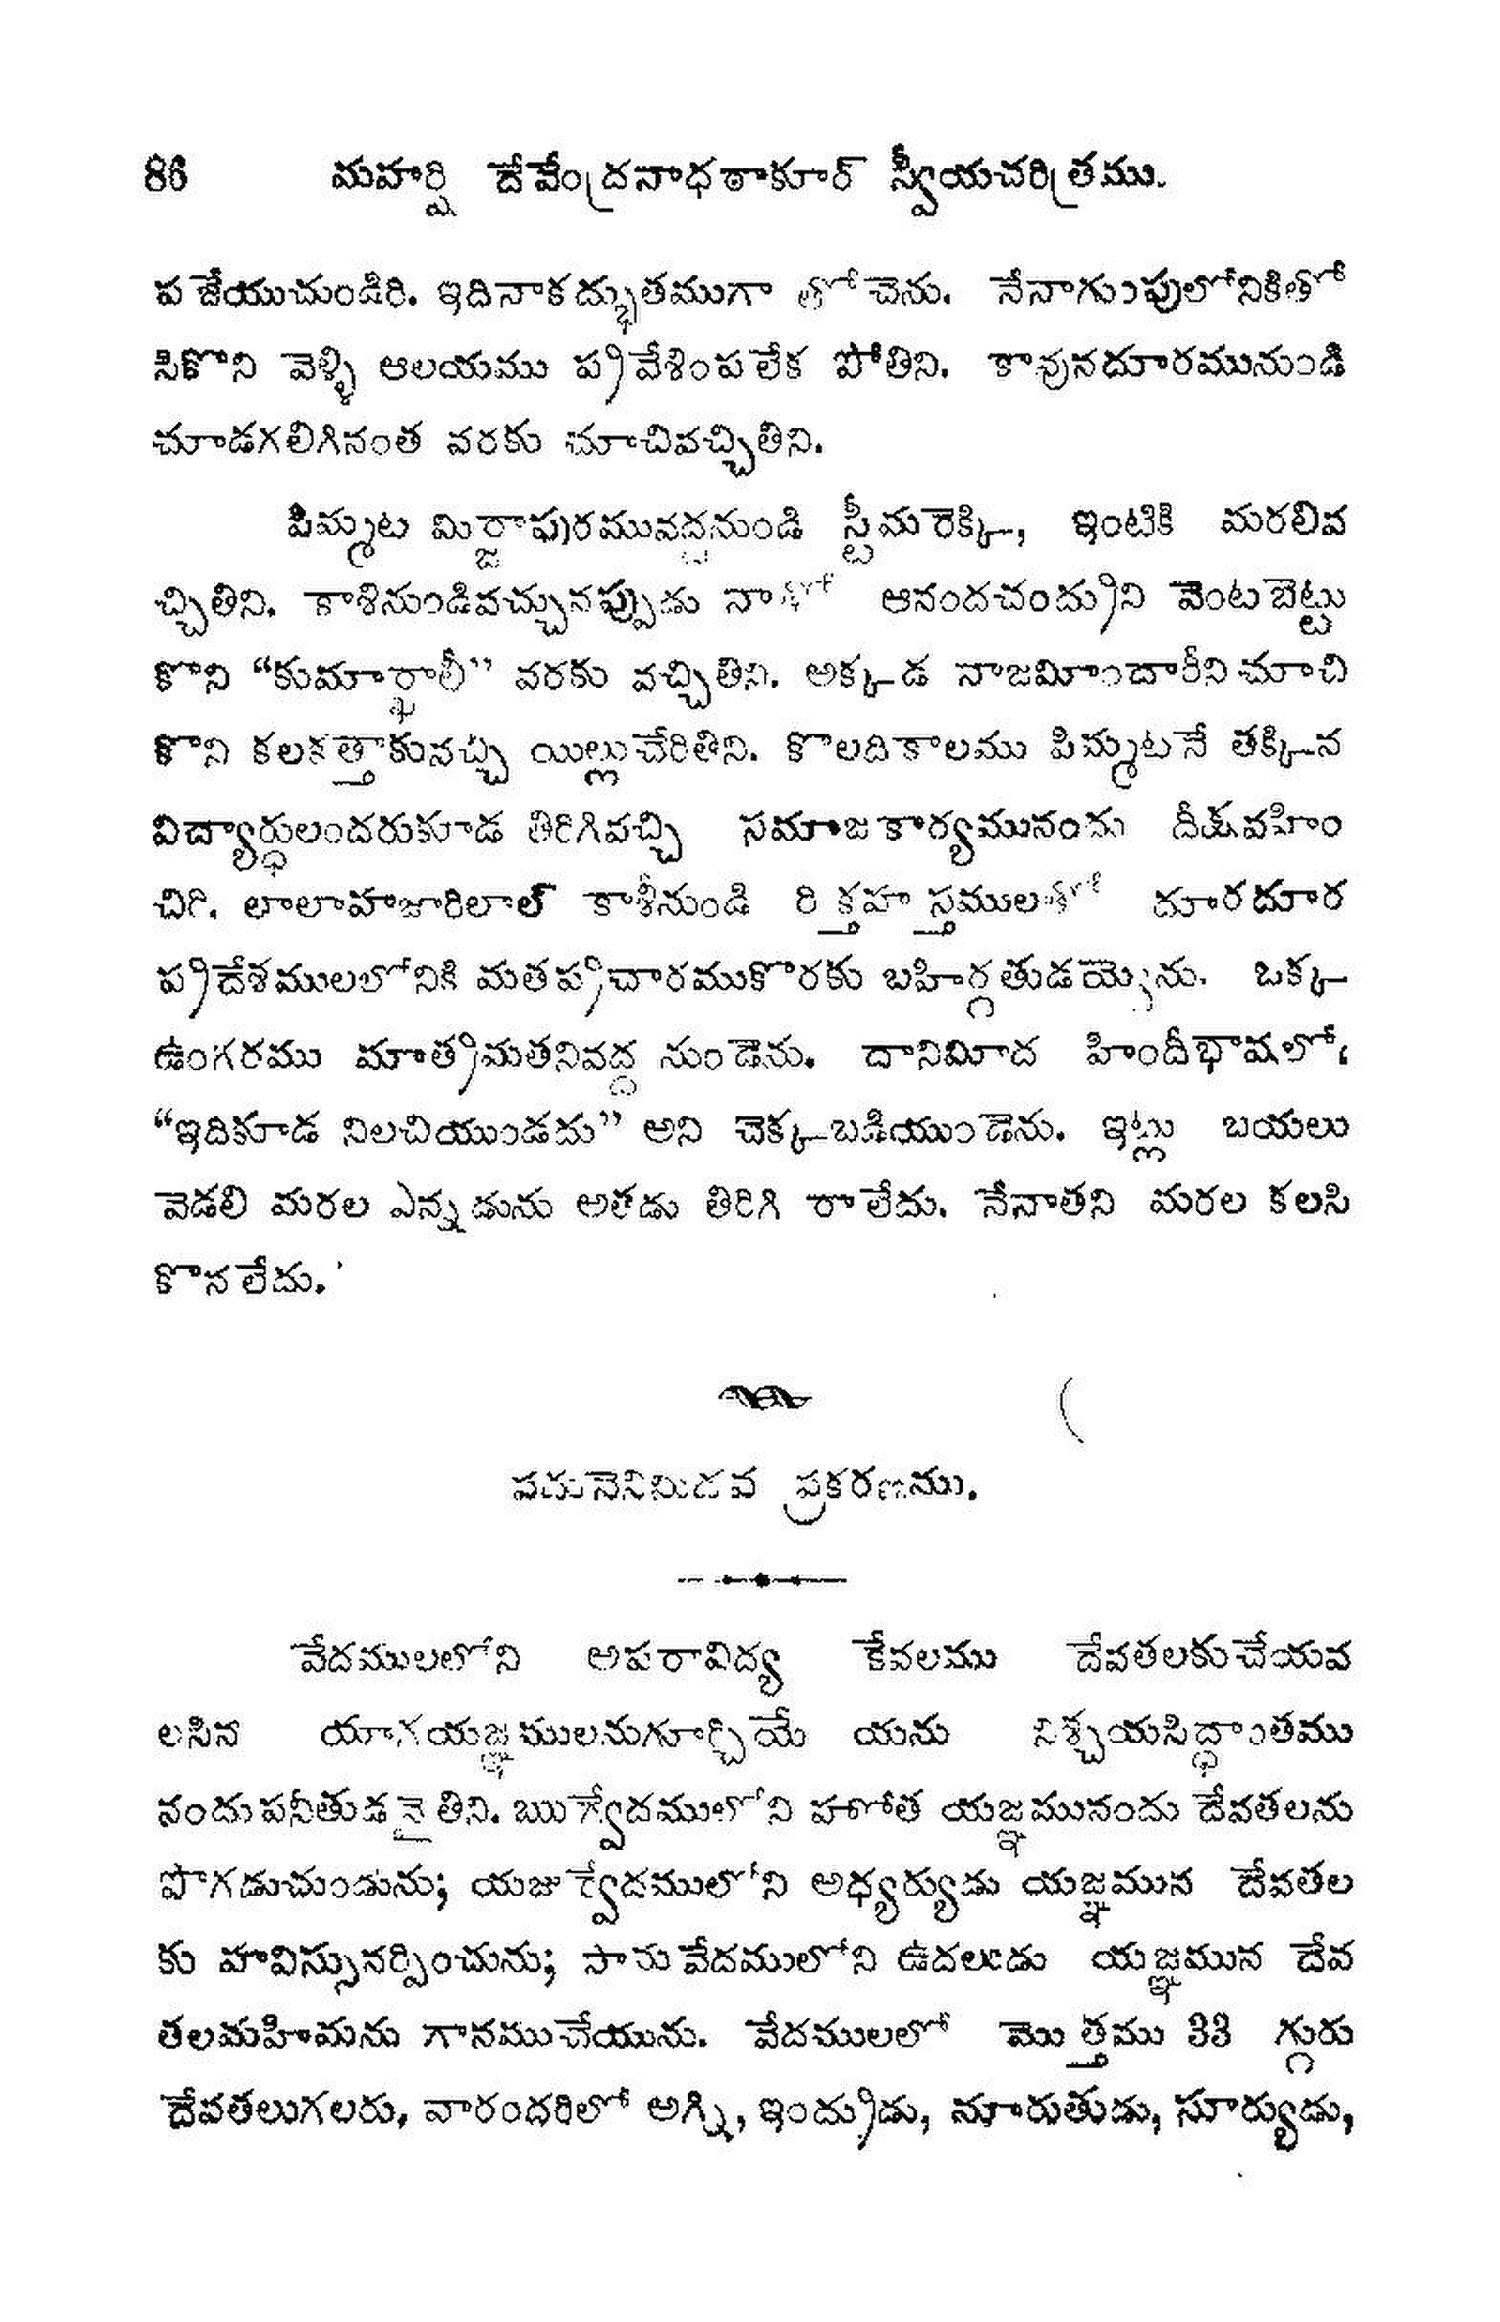పజేయుచుండిరి. ఇది నాకద్భుతముగాంచెను. నేనా గుంపులోనికి 
తోసికొని వెళ్ళి ఆలయము ప్రవేశింప లేక పోతిని. కావున దూరమునుండి
చూడగలిగినంత వరకు చూచివచ్చితిని.

పిమ్మట మిర్జాపురము వద్దనుండి స్టీమరెక్కి ఇంటికి మరలి వచ్చితిని, 
కాశినుండి వచ్చునప్పుడు నా ఆనంద చంద్రుని వెంట బెట్టు
కొని "కుమారాలీ" వరకు వచ్చితిని.. అక్కడ నాజమీందారీని చూచి
కొని కలకత్తాకునచ్చి యిల్లు చేరితిని. కొలది కాలము పిమ్మటనే తక్కిన
విద్యార్ధులందరు కూడ తిరిగి వచ్చి సమాజ కార్యమునందు దీక్షవహిం
చిరి. లాలాహజారిలాల్ కాశీ నుండి రిక్తహస్తముల - దూరదూర
ప్రదేశముల లోనికి మత ప్రచారము కొరకు బహిర్గతుడయ్యెను. ఒక్క
ఉంగరము మాత్రమతనివద్ద నుండెను. దానిమీద హిందీ భాషలో
“ఇదికూడ నిలచి యుండదు” అని చెక్కబడి యుండెను. ఇట్లు బయలు
వెడలి మరల ఎన్నడును అతడు తిరిగి రాలేదు. నేనాతని మరల కలసి
కొనలేదు.'

వేదములలోని అపరావిద్య కేవలము దేవతలకు చేయవలసిన
యాగయజ్ఞములను గూర్చియే యను నిశ్చయ సిద్ధాంతము
నందు పునీతుడ నైతిని. ఋగ్వేదములోని హోత యజ్ఞమునందు దేవతలను
పొగడుచుండును; యజు స్వేదములోని అధ్యర్యుడు యజ్ఞమున దేవతలకు
హవిస్సునర్పించును; సామ వేదములోని ఉదలఁడు యజ్ఞమున దేవతల
మహిమను గానము చేయును. వేదములలో మొత్తము 33 గురు
దేవతలుగలరు, వారందరిలో అగ్ని, ఇంద్రుడు, మారుతుడు, సూర్యుడు,